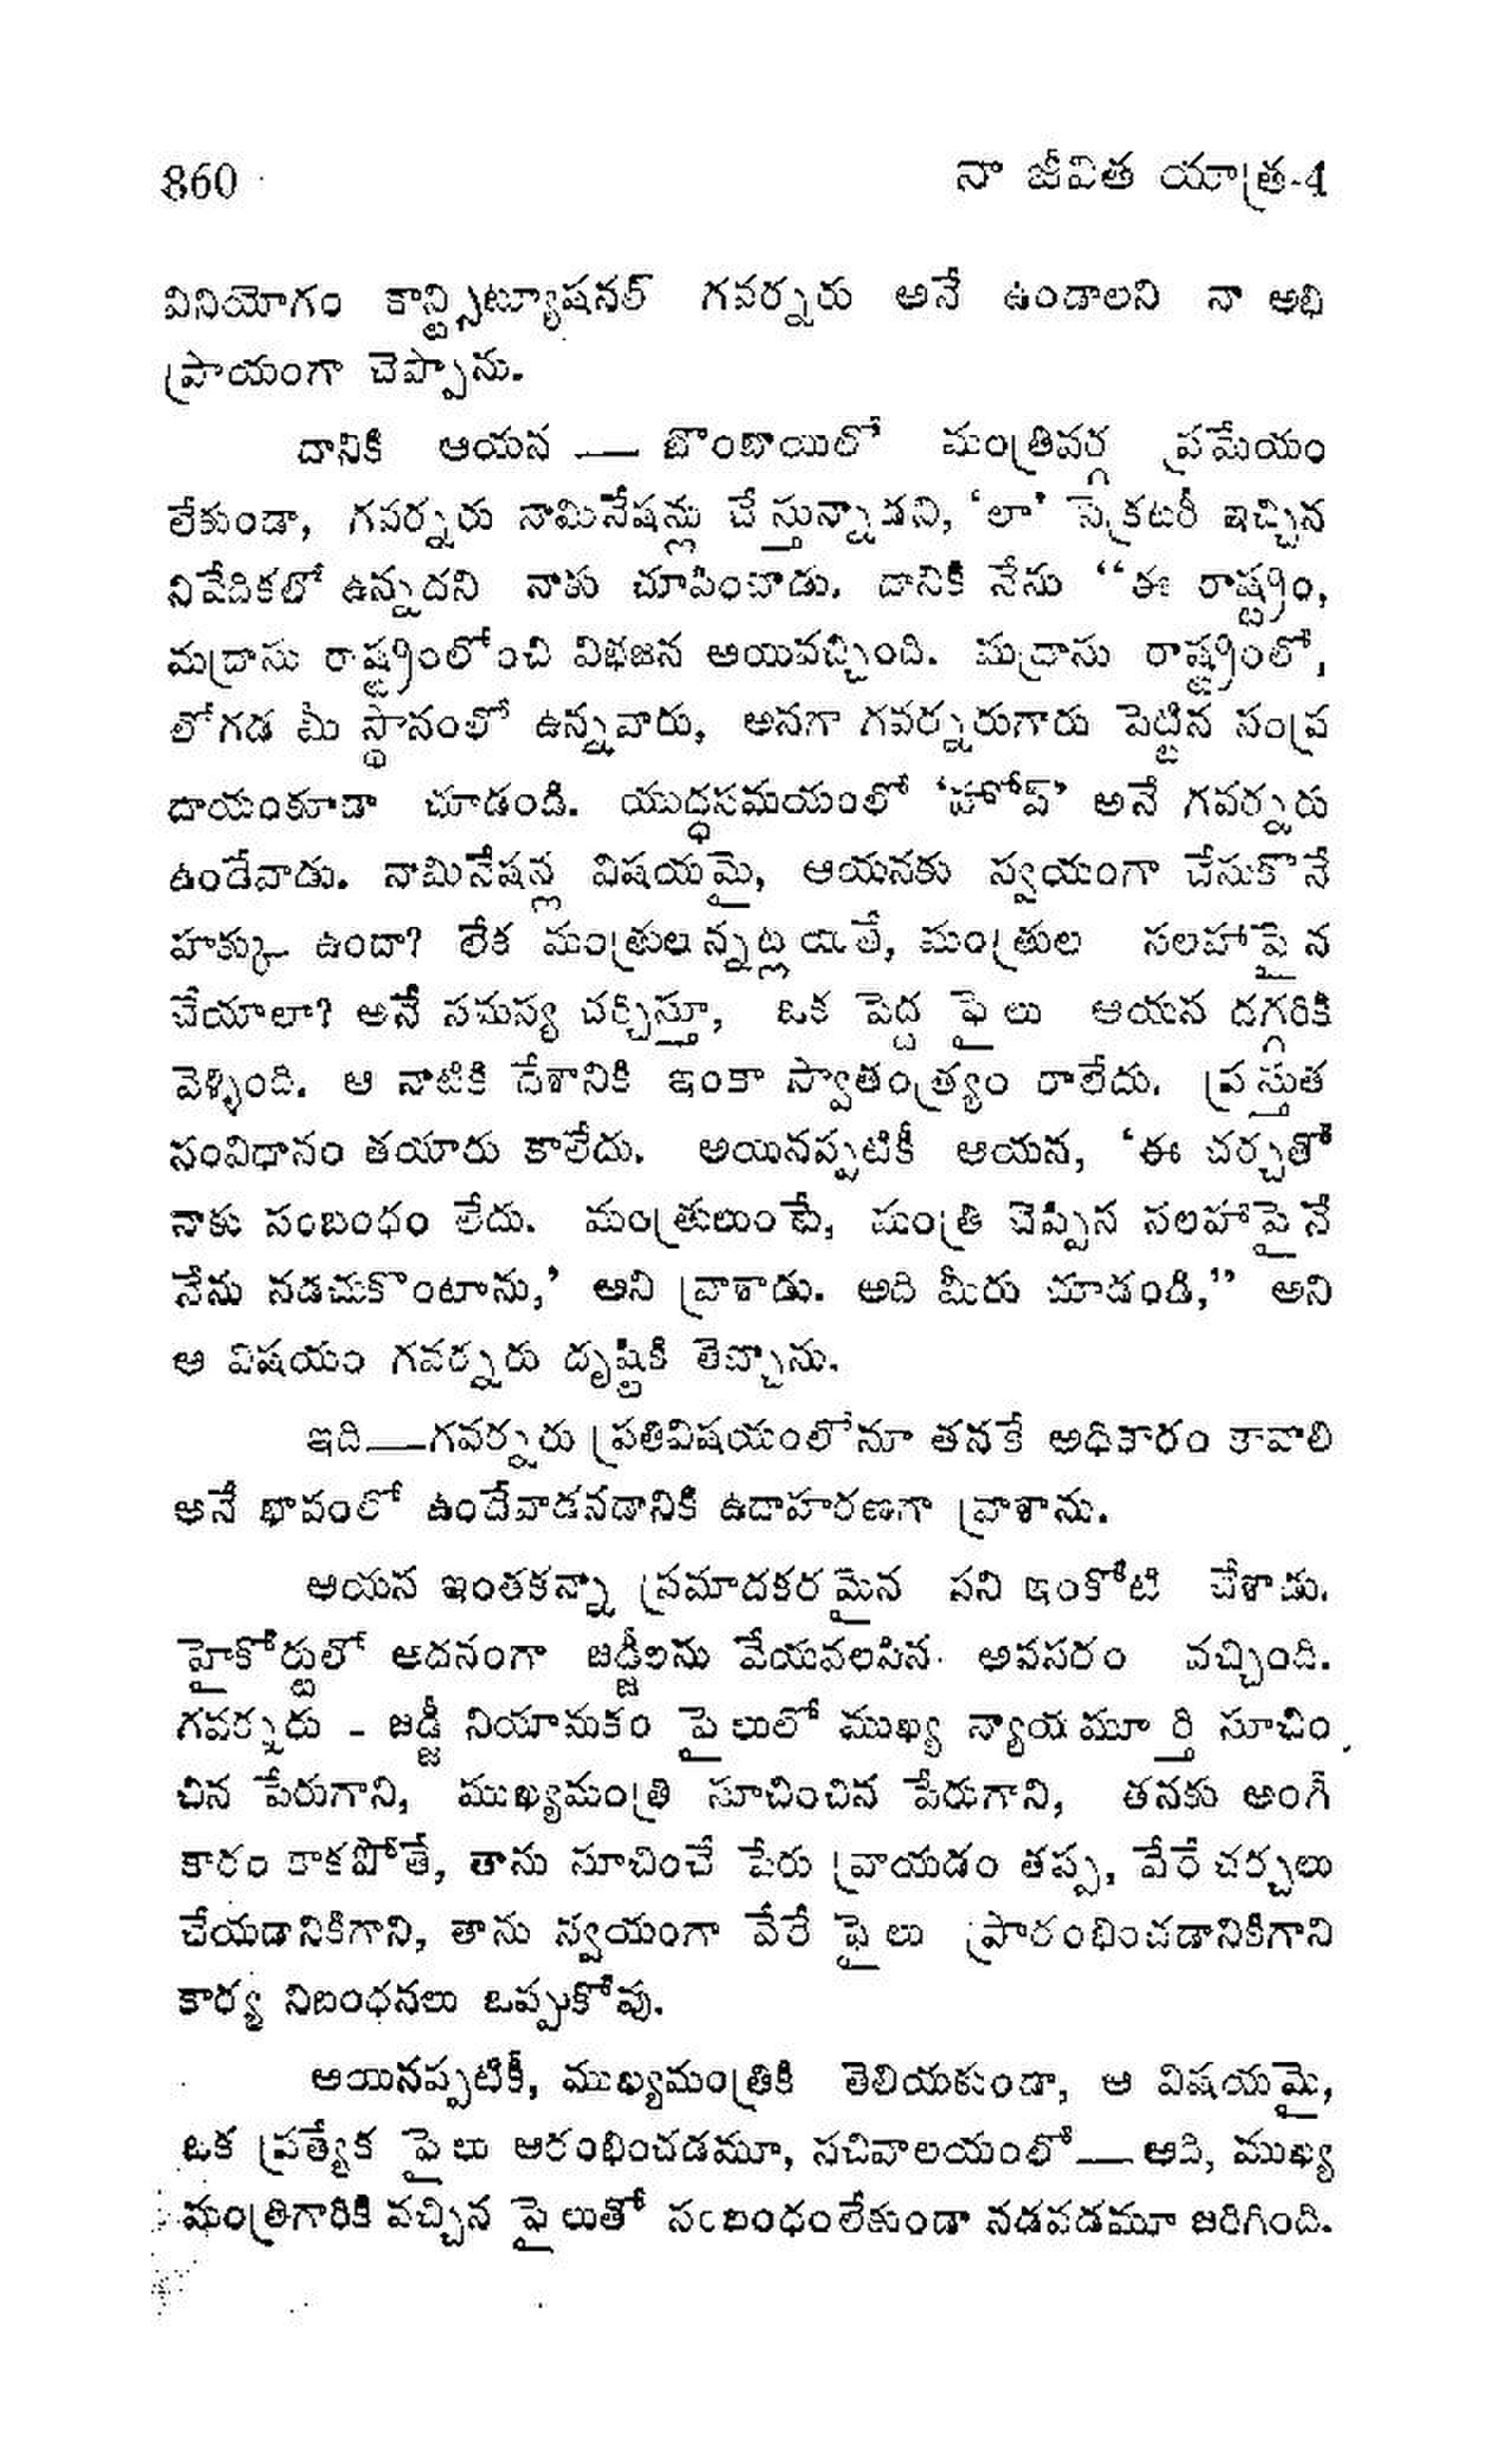వినియోగం కాన్ట్సిట్యూషనల్ గవర్నరు అనే ఉండాలని నా అభిప్రాయంగా చెప్పాను.

దానికి ఆయన - బొంబాయిలో మంత్రివర్గ ప్రమేయం లేకుండా, గవర్నరు నామినేషన్లు చేస్తున్నాడని, 'లా' సెక్రటరీ ఇచ్చిన నివేదికలో ఉన్నదని నాకు చూపించాడు. దానికి నేను "ఈ రాష్ట్రం, మద్రాసు రాష్ట్రంలోంచి విభజన అయివచ్చింది. మద్రాసు రాష్ట్రంలో, లోగడ మీ స్థానంలో ఉన్నవారు, అనగా గవర్నరుగారు పెట్టిన సంప్రదాయంకూడా చూడండి. యుద్ధసమయంలో 'హోప్‌' అనే గవర్నరు ఉండేవాడు. నామినేషన్ల విషయమై, ఆయనకు స్వయంగా చేసుకునే హక్కు ఉఅందా? లేక మంత్రులున్నట్లయితే, మంత్రుల సలహాపైన చేయాలా? అనే సమస్య చర్చిస్తూ, ఒక పెద్ద ఫైలు ఆయన దగ్గరికి వెళ్ళింది. ఆ నాటికి దేశానికి ఇంకా స్వాతంత్ర్యం రాలేదు. ప్రస్తుత సంవిధానం తయారు కాలేదు. అయినప్పటీకి ఆయన, 'ఈ చర్చతో నాకు సంబంధం లేదు. మంత్రులుంటే, మంత్రి చెప్పిన సలహాపైనే నేను నడచుకొంటాను,' అని వ్రాశాడు. అది మీరు చూడండి," అని ఆ విషయం గవర్నరు దృష్టికి తెచ్చాను.

ఇది - గవర్నరు ప్రతివిషయంలోనూ తనకే అధికారం కావాలి అనే భావంలో ఉండేవాడనడానికి ఉదాహరణగా వ్రాశాను.

ఆయన ఇంతకన్నా ప్రమాదకరమైన పని ఇంకోటి చేశాడు. హైకోర్టులో అదనంగా జడ్జీలను వేయవలసిన అవసరం వచ్చింది. గవర్నరు - జడ్జీ నియామకం ఫైలులో ముఖ్య న్యాయమూర్తి సూచించిన పేరుగాని, ముఖ్యమంత్రి సూచించిన పేరుగాని, తనకు అంగీకారం కాకపోతే, తాను సూచించే పేరు వ్రాయడం తప్ప, వేరే చర్చలు చేయడానికిగాని, తాను స్వయంగా వేరే ఫైలు ప్రారంభించడానికిగాని కార్య నిబంధనలు ఒప్పుకోవు.

అయినప్పటికీ, ముఖ్యమంత్రికి తెలియకుండా, ఆ విషయమై, ఒక ప్రత్యేక ఫైలు ఆరంభించడమూ, సచివాలయంలో - అది, ముఖ్యమంత్రిగారికి వచ్చిన ఫైలుతో సంబంధంలేకుండా నడవడమూ జరింది.